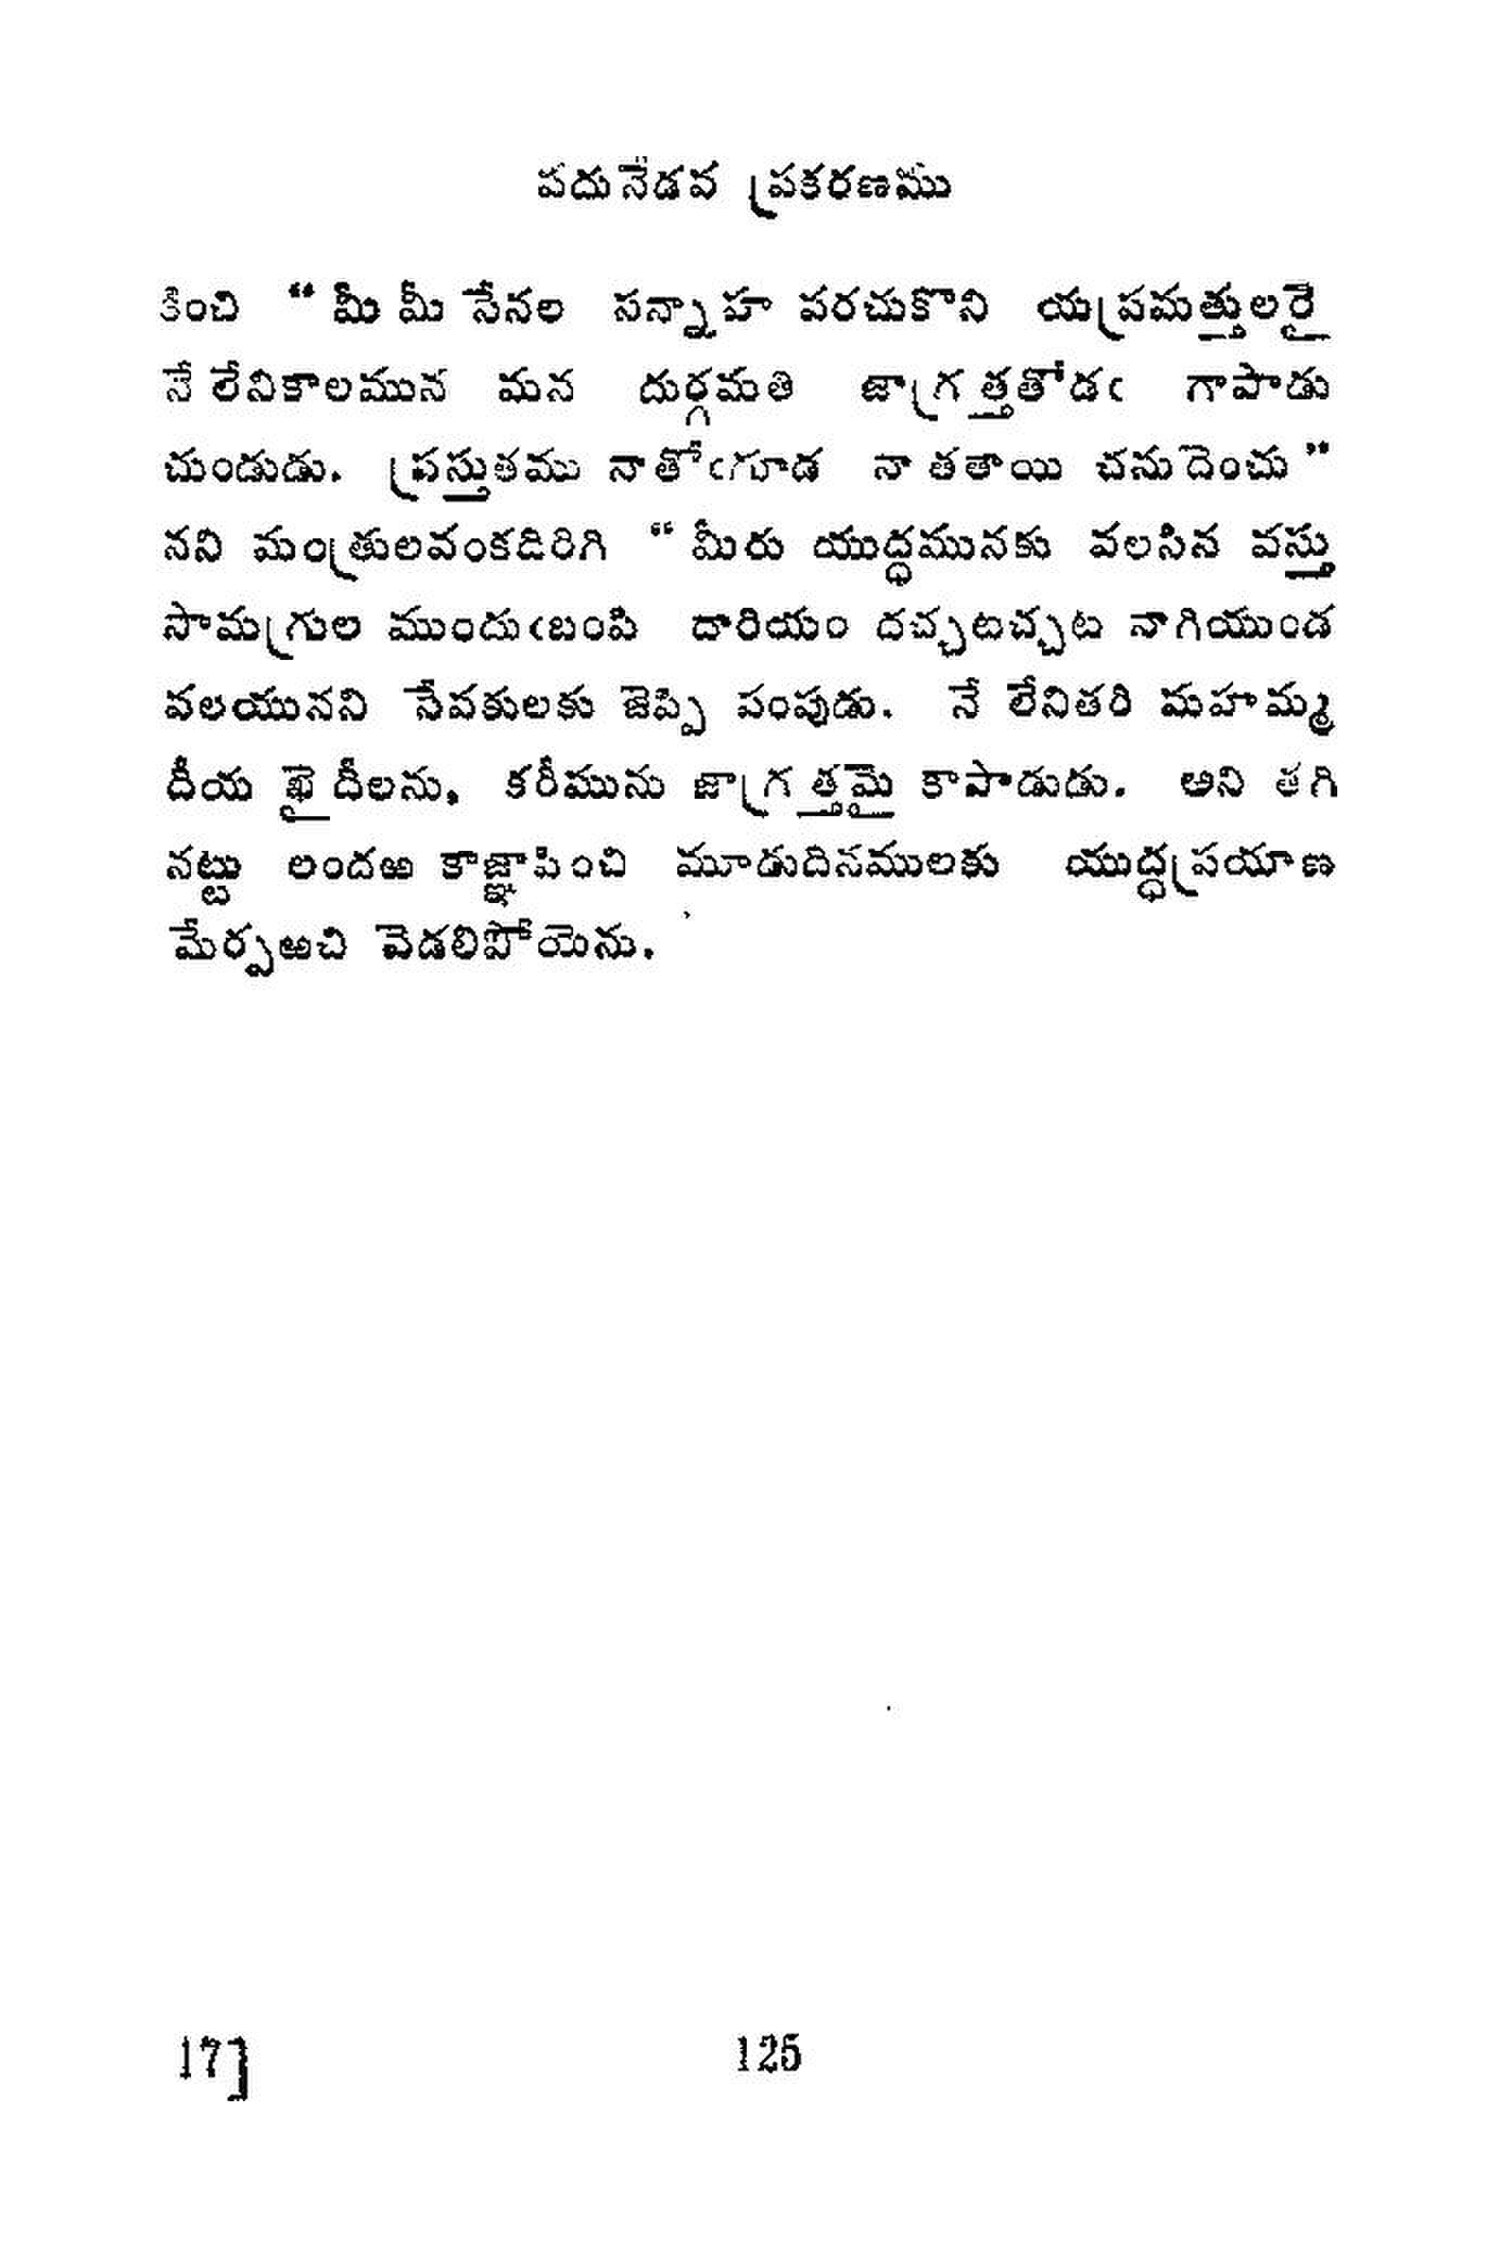కించి “మీ మీ సేనల సన్నాహ పరచుకొని యప్రమత్తులరై నే లేనికాలమున మన దుర్గమతి జాగ్రత్తతోడఁ గాపాడు చుండుడు. ప్రస్తుతము నాతోఁగూడ నా తతాయి చనుదెంచు " నని మంత్రులవంకదిరిగి "మీరు యుద్ధమునకు వలసిన వస్తు సామగ్రుల ముందుఁబంపి దారియం దచ్చటచ్చట నాగియుండ వలయునని సేవకులకు జెప్పి పంపుడు, నే లేనితరి మహమ్మదీయ ఖైదీలను, కరీమును జాగ్రత్తమై కాపాడుడు. అని తగినట్టు లందఱ కాజ్ఞాపించి మూడుదినములకు యుద్ధప్రయాణ మేర్పఱచి వెడలిపోయెను. '